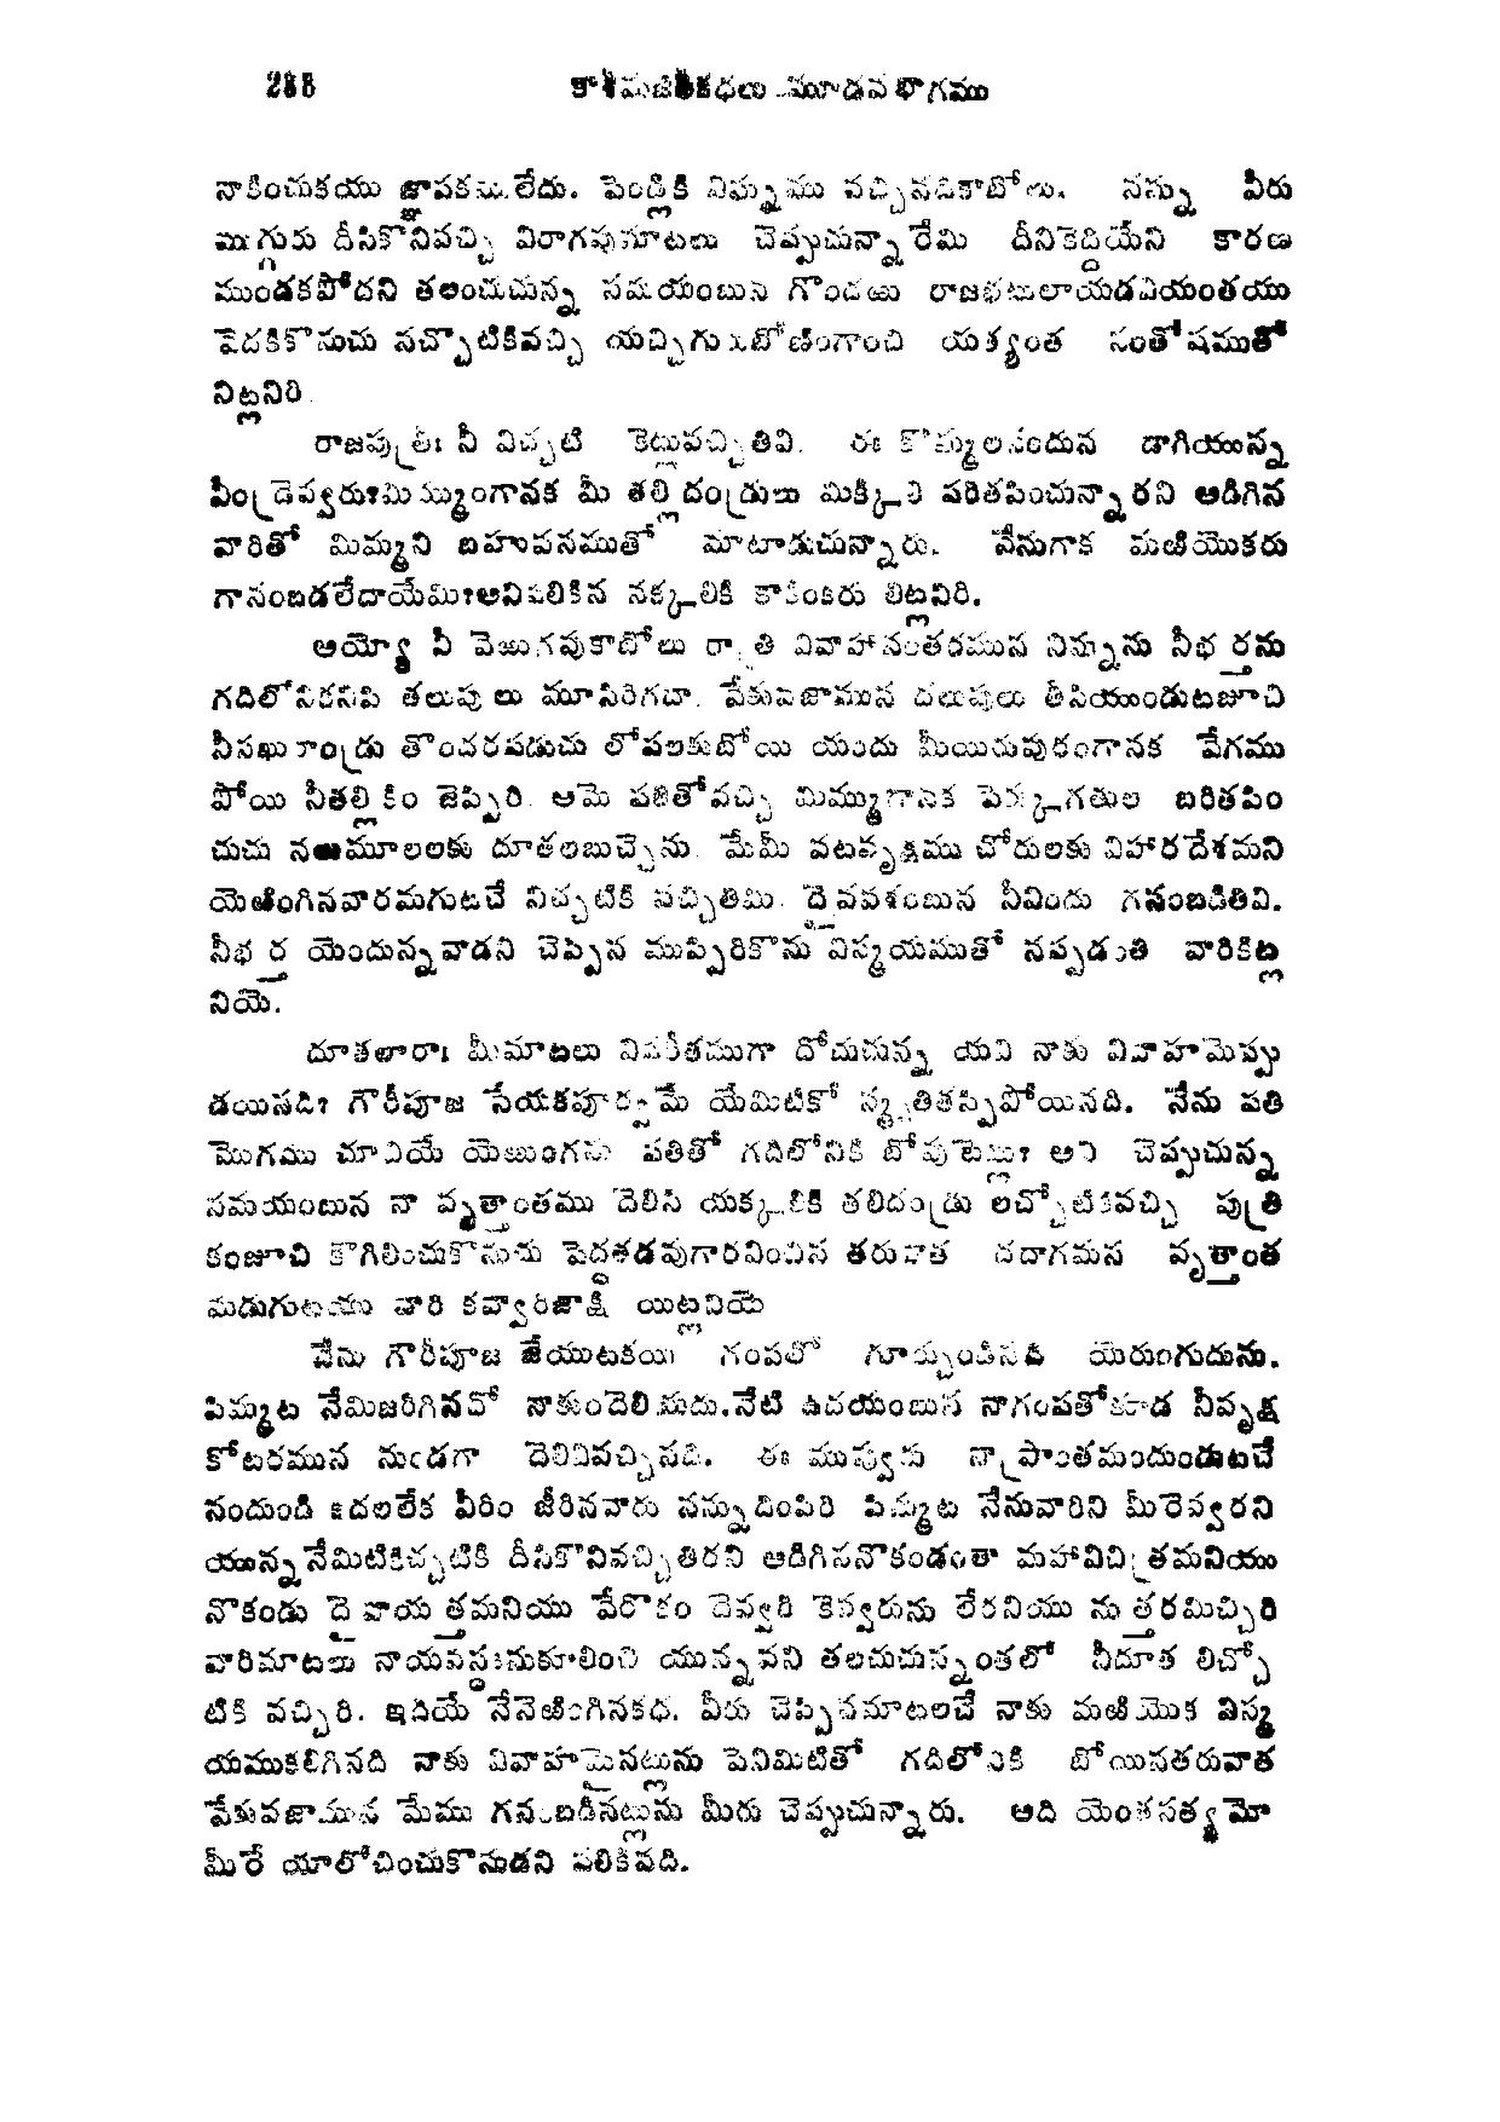నాకించుకయు జ్ఞాపకములేదు. పెండ్లికి విఘ్నము వచ్చినదికాబోలు. నన్ను వీరు ముగ్గురు దీసికొనివచ్చి విరాగపుమాటలు చెప్పుచున్నా రేమి దీనికెద్దియేని కారణముండకపోదని తలంచుచున్న సమయంబున గొందఱు రాజభటు లాయడవియంతయు వెదకికొనుచు నచ్చోటికి వచ్చి యచ్చిగురుబోణింగాంచి యత్యంత సంతోషముతో నిట్లనిరి.

రాజపుత్రీ! నీ విచ్చటి కెట్లువచ్చితివి. ఈ కొమ్మలసందున డాగియున్న వీండ్రెవ్వరు? మిమ్ముంగానక మీ తల్లిదండ్రులు మిక్కిలి పరితపించుచున్నారని అడిగిన వారితో మిమ్మని బహువనముతో మాటాడుచున్నారు. నేనుగాక మఱియొకరు గానంబడలేదాయేమి ? అనిపలికిన నక్కలికి కాకింకరు లిట్లనిరి.

అయ్యో నీ వెఱుగవుకాబోలు రాత్రి వివాహానంతరముస నిన్నును నీభర్తను గదిలోనికనిపి తలుపులు మూసిరిగదా. వేకువజామున దలుపులు తీసియుండుటజూచి నీసఖురాండ్రు తొందరపడుచు లోపలకుబోయి యందు మీయిరువురంగానక వేగము పోయి నీతల్లికిం జెప్పిరి. అమె పతితోవచ్చి మిమ్ముగానక పెక్కుగతుల బరితపించుచు నలుమూలలకు దూతలబుచ్చెను. మేమీ వటవృక్షము చోరులకు విహారదేశమని యెఱింగినవారమగుటచే నిచ్చటికి వచ్చితిమి. దైవవశంబున నీవిందు గనంబడితివి. నీభర్త యెందున్నవాడని చెప్పిన ముప్పిరికొను విస్మయముతో నప్పడంతి వారికిట్లనియె.

దూతలారా! మీమాటలు విపరీతముగా దోచుచున్న యవి నాకు వివాహ మెప్పు డయినది?
గౌరీపూజ సేయకపూర్వమే యేమిటికో స్మృతి తప్పిపోయినది. నేను పతి మొగము చూచియే యెఱుంగను పతితో గదిలోనికి బోవుటెట్లు? అని చెప్పుచున్న సమయంబున నా వృత్తాంతము దెలిసి యక్కలికి తలిదండ్రు లచ్చోటికివచ్చి పుత్రికంజూచి కౌగిలించుకొనుచు పెద్దతడవుగారవించిన తరువాత
దదాగమన వృత్తాంత మడుగుటయు వారి కవ్వారిజాక్షి యిట్లనియె.

నేను గౌరీపూజ జేయుటకయి గంపలో గూర్చుండినది యెరుంగుదును. పిమ్మట నేమిజరిగినదో నాకుందెలియదు. నేటి ఉదయంబున నాగంపతోకూడ నీవృక్ష కోటరమున నుండగా దెలివివచ్చినది. ఈ మువ్వురు నాప్రాంతమందుండుటచే నందుండి కదలలేక వీరిం జీరినవారు నన్నుదింపిరి పిమ్మట నేనువారిని మీరెవ్వరని యున్న నేమిటికిచ్చటికి దీసికొనివచ్చితిరని అడిగిననొకండంతా మహావిచిత్రమనియు నొకండు దైవాయత్తమనియు వేరొకం డెవ్వరి కెవ్వరును లేరనియు నుత్తరమిచ్చిరి. వారిమాటలు నాయవస్థ కనుకూలించి యున్నవని తలచుచున్నంతలో నీదూత లిచ్చోటికి వచ్చిరి. ఇదియే నేనెఱింగినకధ. వీరు చెప్పినమాటలచే నాకు మఱియొక విస్మయముకలిగినది. నాకు వివాహమైనట్లును పెనిమిటితో గదిలోనికి బోయినతరువాత వేకువజామున మేము గనంబడినట్లును మీరు చెప్పుచున్నారు. అది యెంతసత్యమో మీరే యాలోచించుకొనుడని పలికినది.